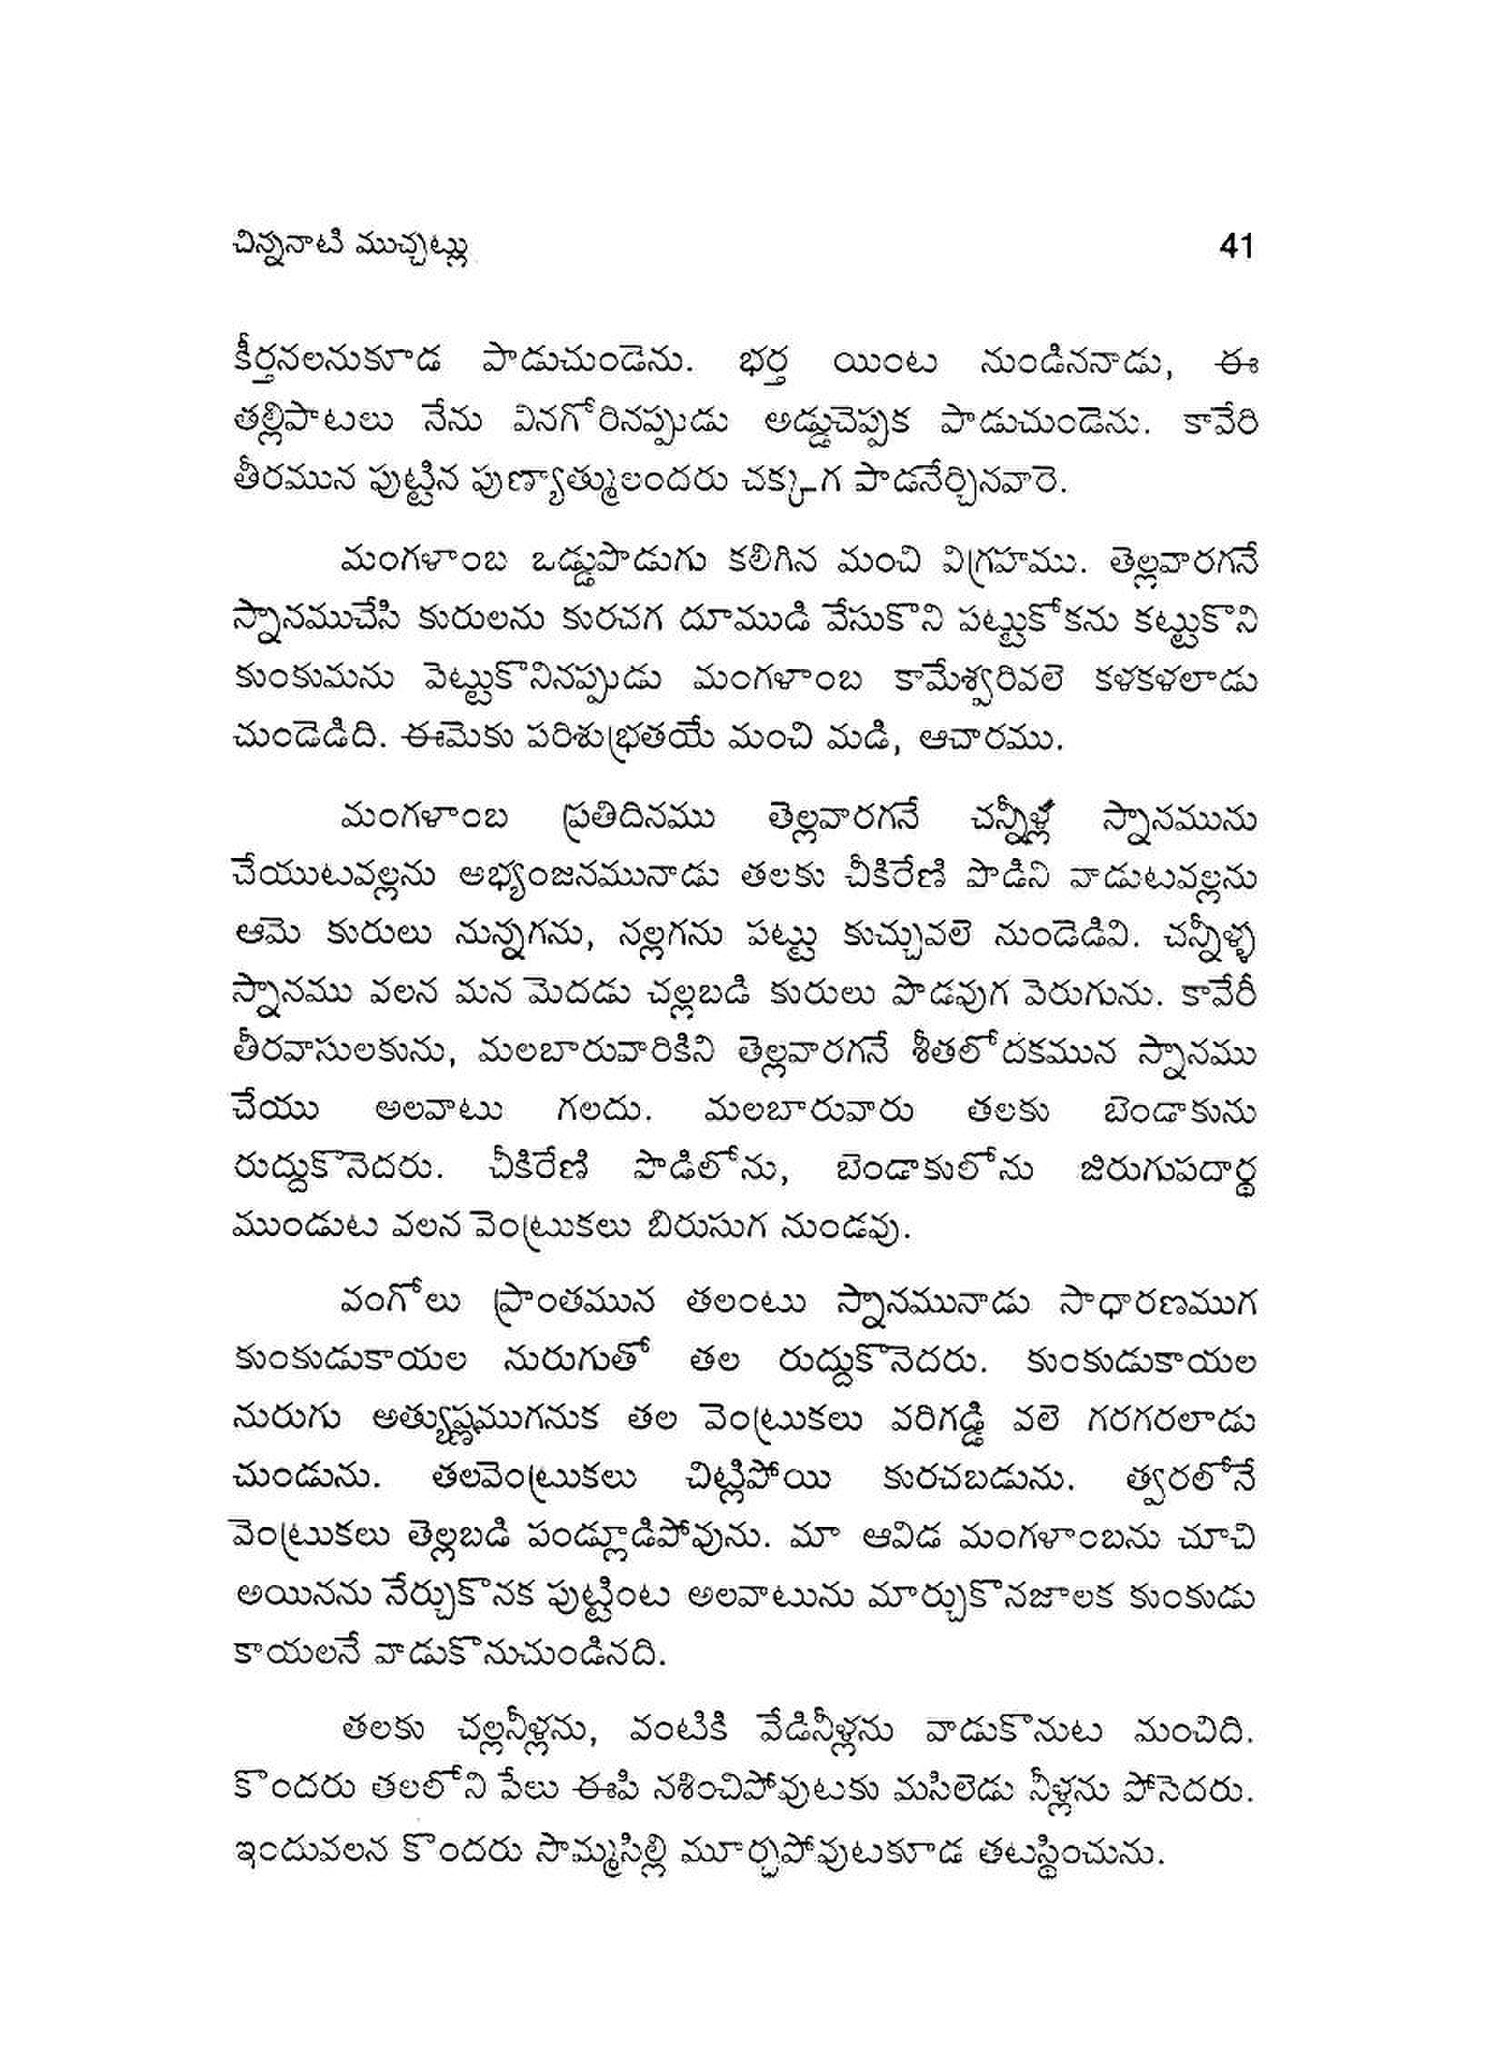కీర్తనలనుకూడ పాడుచుండెను. భర్త యింట నుండిననాడు, ఈ తల్లిపాటలు నేను వినగోరినప్పడు అడ్డుచెప్పక పాడుచుండెను. కావేరి తీరమున పుట్టిన పుణ్యాత్ములందరు చక్కగ పాడనేర్చినవారె.

మంగళాంబ ఒడ్డుపొడుగు కలిగిన మంచి విగ్రహము. తెల్లవారగనే స్నానముచేసి కురులను కురచగ దూముడి వేసుకొని పట్టుకోకను కట్టుకొని కుంకుమను పెట్టుకొనినప్పడు మంగళాంబ కామేశ్వరివలె కళకళలాడు చుండెడిది. ఈమెకు పరిశుభ్రతయే మంచి మడి, ఆచారము.

మంగళాంబ ప్రతిదినము తెల్లవారగనే చన్నీళ్ల స్నానమును చేయుటవల్లను అభ్యంజనమునాడు తలకు చీకిరేణి పాడిని వాడుటవల్లను ఆమె కురులు నున్నగను, నల్లగను పట్టు కుచ్చువలె నుండెడివి. చన్నీళ్ళ స్నానము వలన మన మెదడు చల్లబడి కురులు పొడవుగ పెరుగును. కావేరీ తీరవాసులకును, మలబారువారికిని తెల్లవారగనే శీతలోదకమున స్నానము చేయు అలవాటు గలదు. మలబారువారు తలకు బెండాకును రుద్దుకొనెదరు. చీకిరేణి పొడిలోను, బెండాకులోను జిరుగుపదార్థ ముండుట వలన వెంట్రుకలు బిరుసుగ నుండవు.

వంగోలు ప్రాంతమున తలంటు స్నానమునాడు సాధారణముగ కుంకుడుకాయల నురుగుతో తల రుద్దుకొనెదరు. కుంకుడుకాయల నురుగు అత్యుష్ణముగనుక తల వెంట్రుకలు వరిగడ్డి వలె గరగరలాడు చుండును. తలవెంట్రుకలు చిట్లిపోయి కురచబడును. త్వరలోనే వెంట్రుకలు తెల్లబడి పండ్లూడిపోవును. మా ఆవిడ మంగళాంబను చూచి అయినను నేర్చుకొనక పుట్టింట అలవాటును మార్చుకొనజాలక కుంకుడు కాయలనే వాడుకొనుచుండినది.

తలకు చల్లనీళ్లను, వంటికి వేడినీళ్లను వాడుకొనుట మంచిది. కొందరు తలలోని పేలు ఈపి నశించిపోవుటకు మసిలెడు నీళ్లను పోసెదరు. ఇందువలన కొందరు సొమ్మసిల్లి మూర్చపోవుటకూడ తటస్థించును.